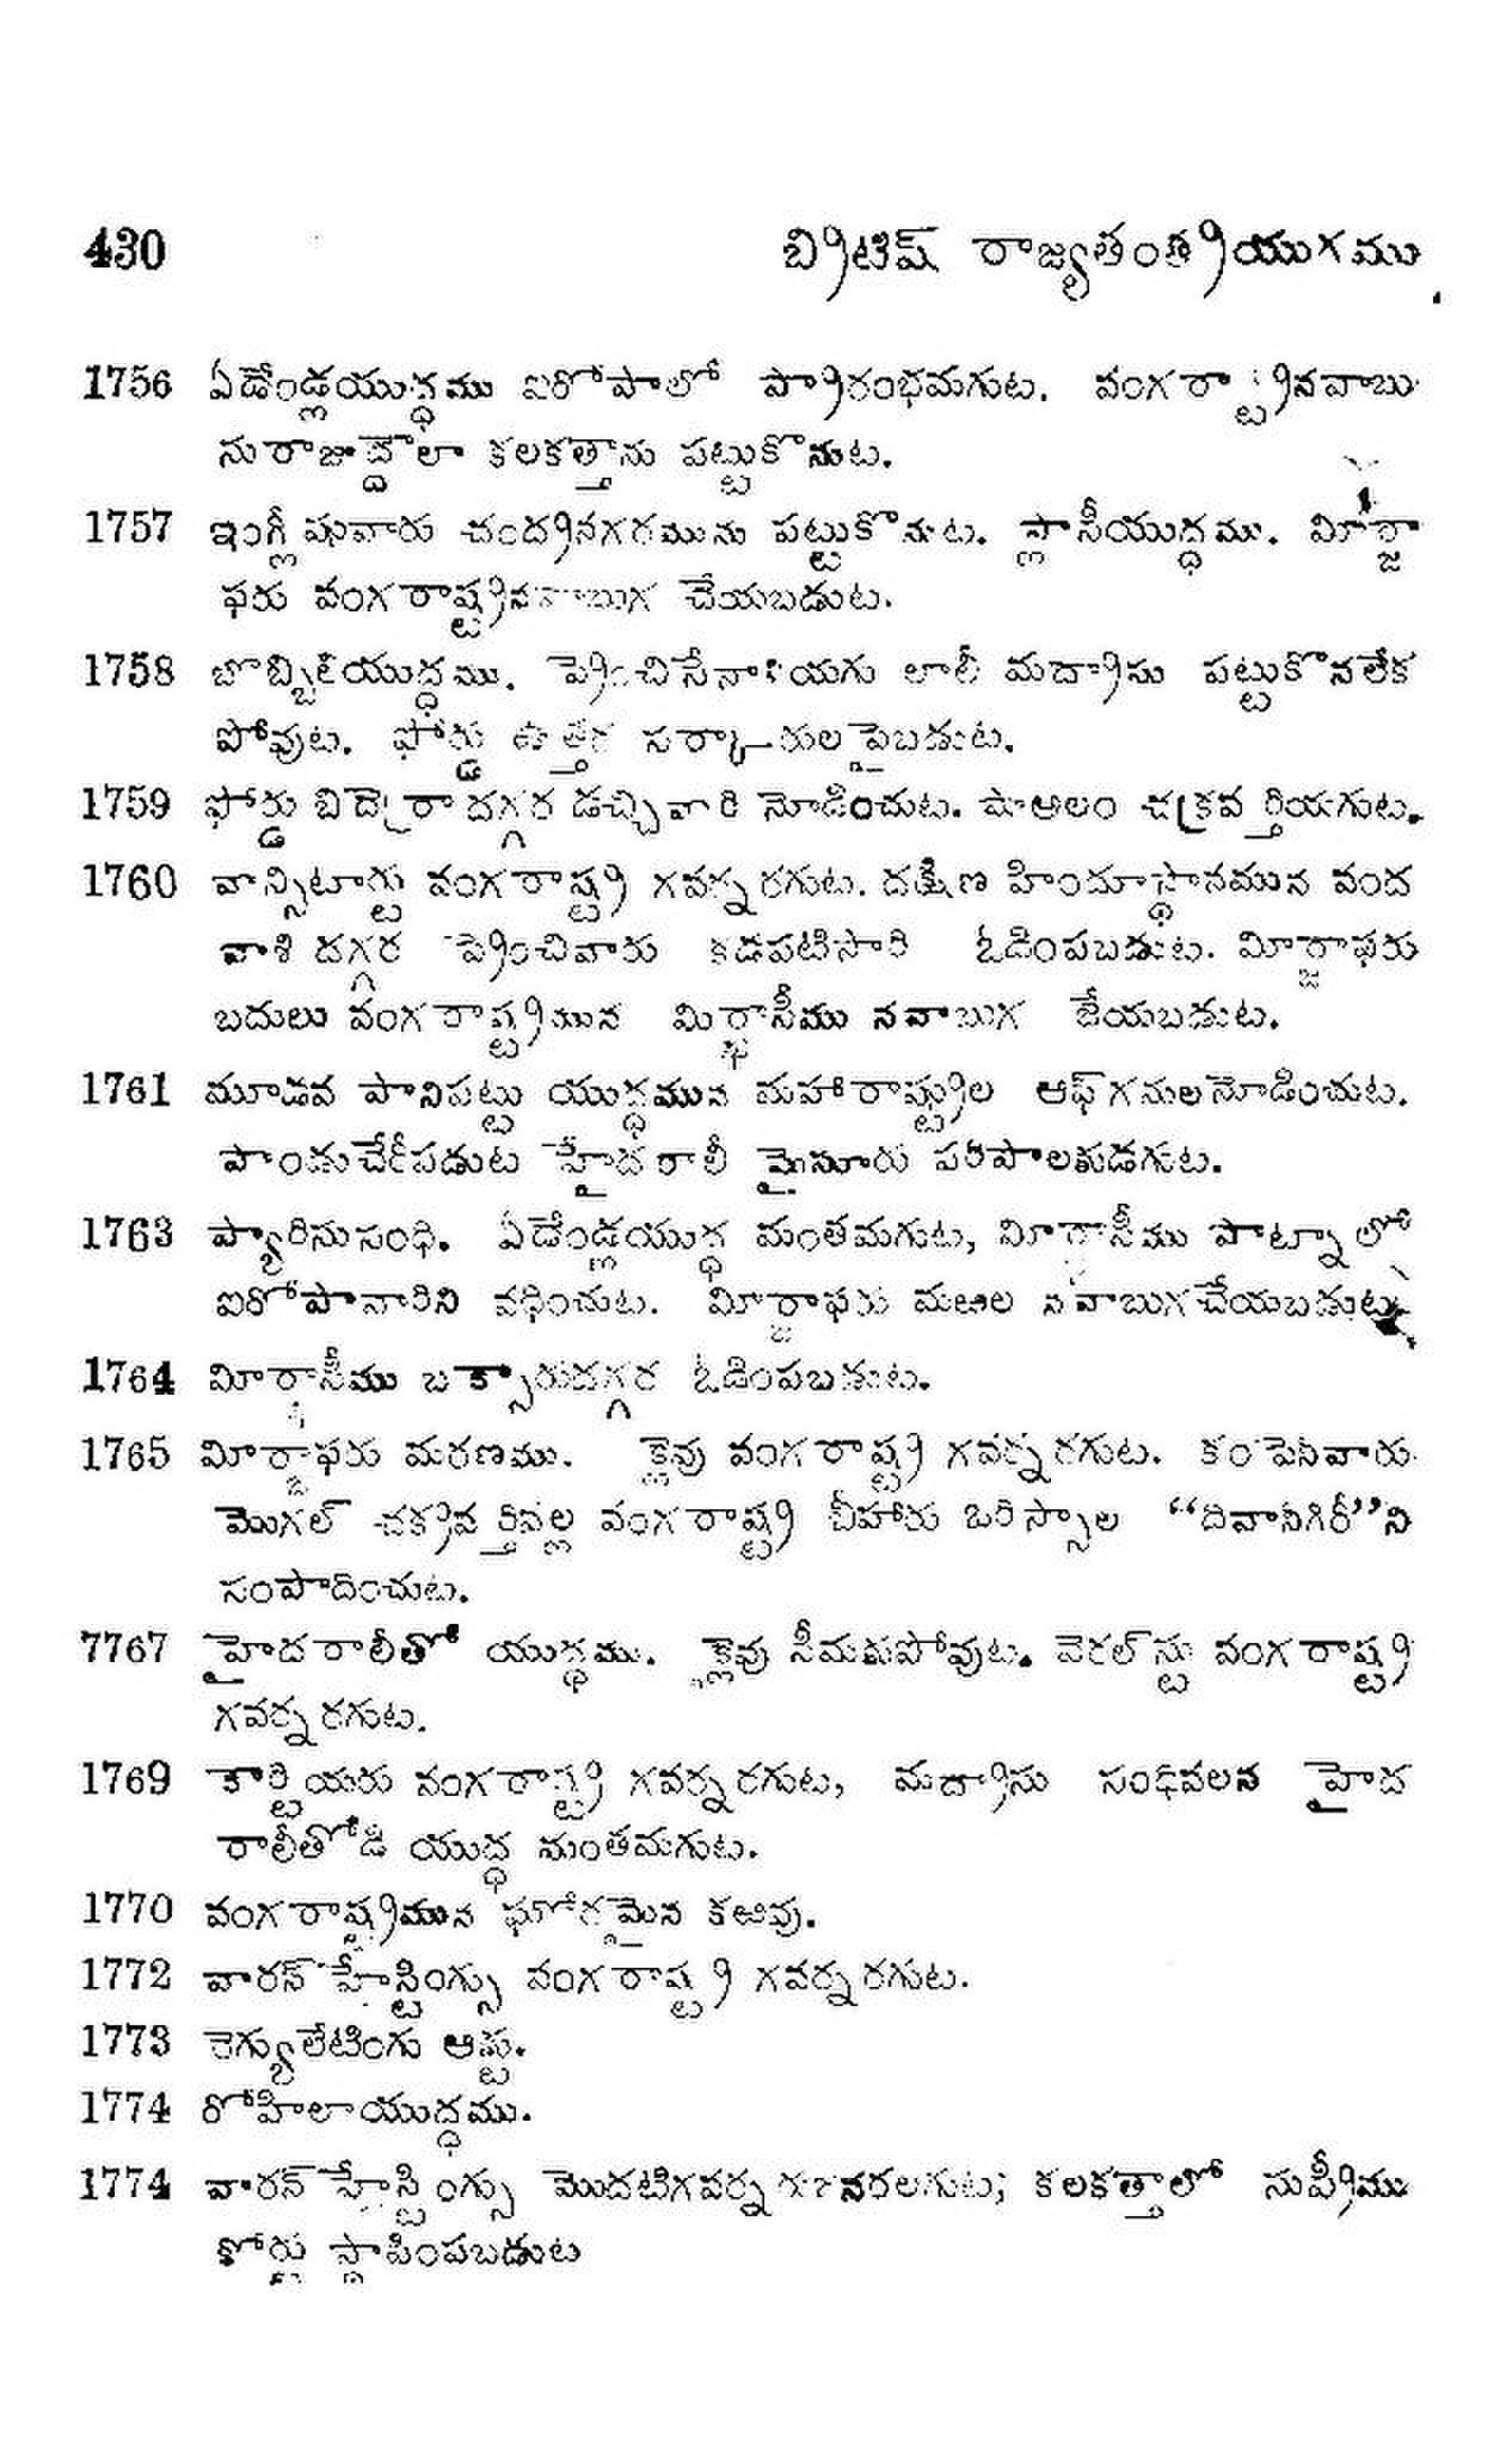1756 ఏడేండ్లయుద్దము ఐరోపాలో ప్రారంభమగుట. వంగరాష్ట్రనవాబు సురాజుద్దౌలా కలకత్తాను పట్టుకొనుట. 

1757 ఇంగ్లీషువారు చంద్రనగరమును పట్టుకొనుట. ప్లాసీయుద్దము. మీర్జాఫరు వంగరాష్ట్రనవాబుగ చేయబడుట. 

1758 బొబ్బిలియుద్దము. ఫ్రెంచిసేనానియగు లాలీ మద్రాసు పట్టుకొనలేకపోవుట. ఫోర్డు ఉత్తర సర్కారులపైబడుట. 

1759 ఫోర్డు బిదెర్రాదగ్గర డచ్చివారి నోడించుట. షా అలం చక్రవర్తియగుట. 

1760 వాన్సిటార్టు వంగరాష్ట్ర గవర్నరగుట. దక్షిణ హిందూస్థానమున వందవాశి దగ్గర ఫ్రెంచివారు కడపటిసారి ఓడింపబడుట. మీర్జాఫరు బదులు వంగరాష్ట్రమున మీర్ఖాసీము నవాబుగ జేయబడుట. 

1761 మూడవ పానిపట్టు యుద్ధమున మహారాష్ట్రుల ఆఫ్‌గనుల నోడించుట. పాండుచేరీపడుట హైదరాలీ మైసూరు పరిపాలకుడగుట. 

1763 ప్యారిసుసంధి. ఏడేండ్లయుద్ధ మంతమగుట, మీర్ఖాసీము పాట్నాలో ఐరోపావారిని వధించుట. మీర్జాఫరు మఱల నవాబుగచేయబడుట.

1764 మీర్ఖాసీము బక్సారుదగ్గర ఓడింపబడుట. 

1765 మీర్జాఫరు మరణము. క్లైవు వంగరాష్ట్ర గవర్నరగుట. కంపెనీవారు మొగల్ చక్రవర్తివల్ల వంగరాష్ట్ర బీహారు ఒరిస్సాల “దినానీగిరీ"ని సంపాదించుట. 

1767 హైదరాలీతో యుద్ధము. క్లైవు సీమకుపోవుట. వెరల్‌స్టు వంగరాష్ట్ర గవర్నరగుట. 

1769 కార్టియరు వంగరాష్ట్ర గవర్నరగుట, మద్రాసు సంధివలన హైదరాలీతోడి యుద్ధ మంతమగుట. 

1770 వంగరాష్ట్రమున ఘోరమైన కఱవు. 

1772 వారన్ హేస్టింగ్సు వంగరాష్ట్ర గవర్నరగుట. 

1773 రెగ్యులేటింగు ఆక్టు. 

1774 రోహిలాయుద్ధము. 

1774 వారన్ హేస్టింగ్సు మొదటిగవర్నరుజనరలగుట కలకత్తాలో సుప్రీముకోర్టు స్థాపింపబడుట